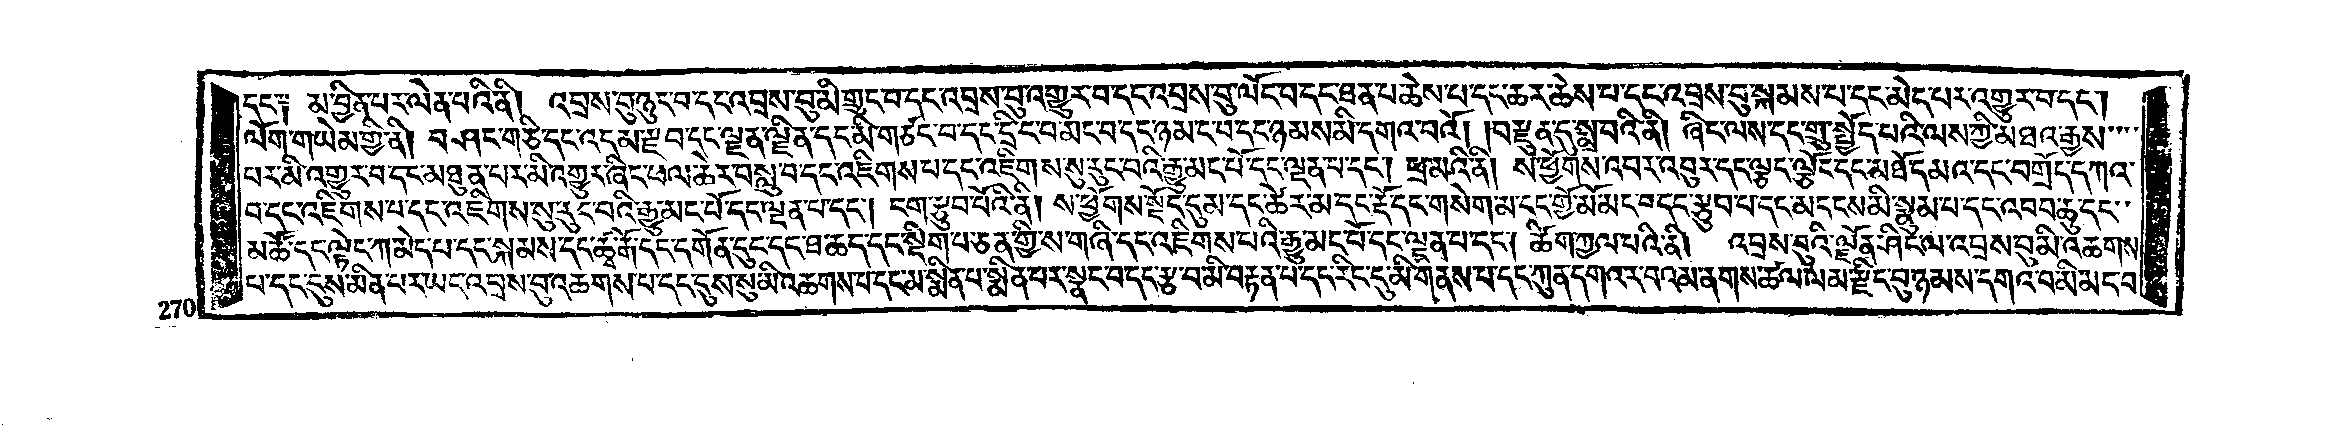དང༑ མ་བྱིན་པར་ལེན་པའི་ནི། འབྲས་བུ་ཉུང་བ་དང་འབྲས་བུ་མི་གྲུང་པ་དང་འབྲས་བུ་འགྱུར་བ་དང་འབྲས་བུ་ལོང་བ་དང་ཐན་པ་ཆེས་པ་དང་ཆར་ཆེས་པ་དང་འབྲས་བུ་སྐམས་པ་དང་མེད་པར་འགྱུར་བ་དང་།
ལོག་གཡེམ་གྱི་ནི། བཤང་གཅི་དང་འདམ་རྫབ་དང་ལྗན་ལྗིན་དང་མི་གཙང་བ་དང་དྲི་ང་བ་མང་བ་དང་ཉམ་ང་བ་དང་ཉམས་མི་དགའ་བའོ། །བརྫུན་དུ་སྨྲ་བའི་ནི། ཞིང་ལས་དང་གྲུ་སྤྱོད་པའི་ལས་ཀྱི་མཐའ་རྒྱས་
པར་མི་འགྱུར་བ་དང་མཐུན་པར་མི་འགྱུར་ཞིང་ཕལ་ཆེར་བསླུ་བ་དང་འཇིགས་པ་དང་འཇིགས་སུ་རུང་བའི་རྒྱུ་མང་པོ་དང་ལྡན་པ་དང་། ཕྲ་མའི་ནི། ས་ཕྱོགས་འབར་འབུར་དང་ལྕང་ལྕོང་དང་མཐོ་དམའ་དང་བགྲོད་དཀའ་
བ་དང་འཇིགས་པ་དང་འཇིགས་སུ་རུང་བའི་རྒྱུ་མང་པོ་དང་ལྡན་པ་དང་། ངག་རྩུབ་པོའི་ནི། ས་ཕྱོགས་སྡོང་དུམ་དང་ཚེར་མ་དང་རྡོ་དང་གསེག་མ་དང་གྱོ་མོ་མང་བ་དང་རྩུབ་པ་དང་མདངས་མི་སྣུམ་པ་དང་འབབ་ཆུ་དང་
མཚོ་དང་ལྟེང་ཀ་མེད་པ་དང་སྐམས་དང་ཚྭ་རྒོ་དང་དགོན་དུང་དང་ཐ་ཆད་དང་སྡིག་པ་ཅན་གྱིས་གཞི་དང་འཇིགས་པའི་རྒྱུ་མང་པོ་དང་ལྡན་པ་དང་། ཚིག་ཀྱལ་བའི་ནི། འབྲས་བུའི་ལྗོན་ཤིང་ལ་འབྲས་བུ་མི་འཆགས་
པ་དང་དུས་མིན་པར་ཡང་འབྲས་བུ་འཆགས་པ་དང་དུས་སུ་མི་འཆགས་པ་དང་མ་སྨིན་པ་སྨིན་པར་སྣང་བ་དང་རྩ་བ་མི་བརྟན་པ་དང་རིང་དུ་མི་གནས་པ་དང་ཀུན་དགའ་ར་བའམ་ནགས་ཚལ་ལམ་རྫིང་བུ་ཉམས་དགའ་བ་མི་མང་བ་